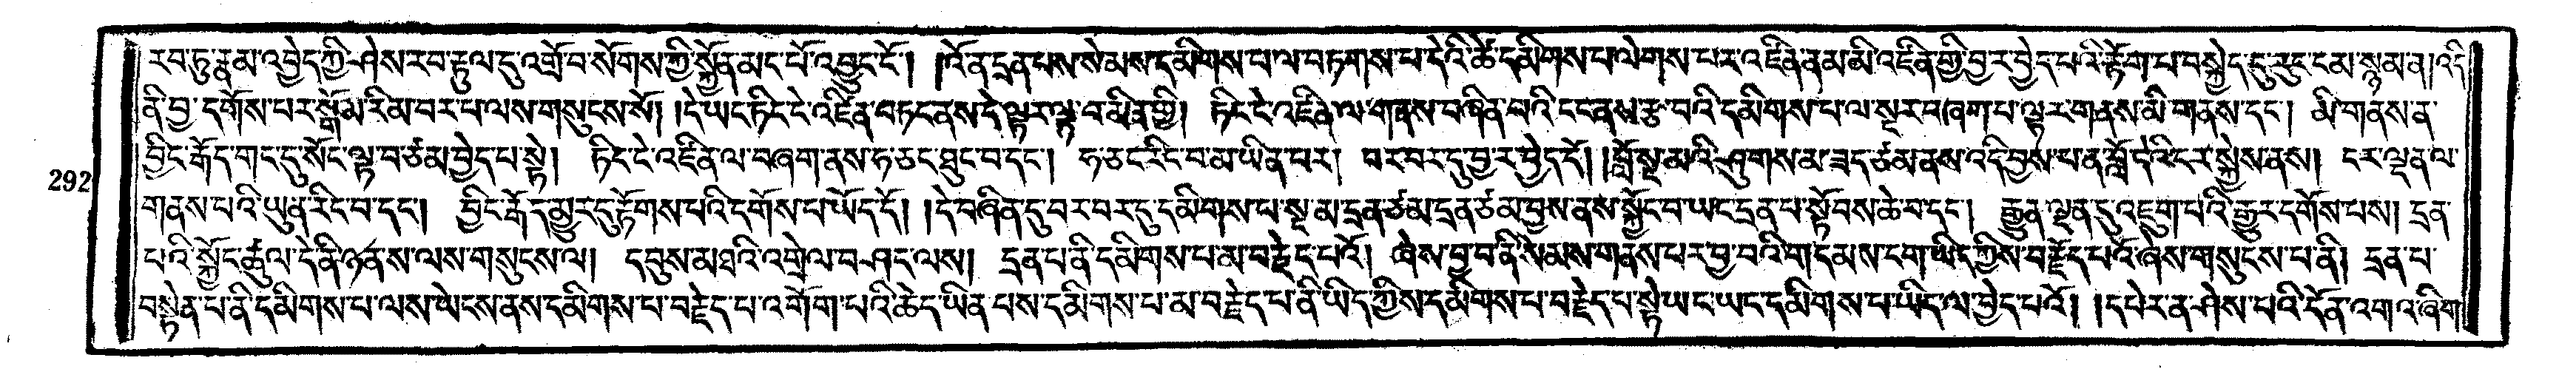རབ་ཏུ་རྣམ་འབྱེད་ཀྱི་ཤེས་རབ་རྟུལ་དུ་འགྲོ་བ་སོགས་ཀྱི་སྐྱོན་མང་པོ་འབྱུང་ངོ། །འོ་ན་དྲན་པས་སེམས་དམིགས་པ་ལ་བཏགས་པ་དེའི་ཚེ་དམིགས་པ་ལེགས་པར་འཛིན་ནམ་མི་འཛིན་གྱི་བྱ་ར་བྱེད་པའི་རྟོག་པ་བསྐྱེད་དུ་རུང་ངམ་སྙམ་ན། འདི་
ནི་བྱ་དགོས་པར་སྒོམ་རིམ་པར་པ་ལས་གསུངས་སོ། །དེ་ཡང་ཏིང་ངེ་འཛིན་བཏང་ནས་དེ་ལྟར་ལྟ་བ་མིན་གྱི། ཏིང་ངེ་འཛིན་ལ་གནས་བཞིན་པའི་ངང་ནས་རྩ་བའི་དམིགས་པ་ལ་སྔར་བཞག་པ་ལྟར་གནས་མི་གནས་དང་། མི་གནས་ན་
བྱིང་རྒོད་གང་དུ་སོང་ལྟ་བ་ཙམ་བྱེད་པ་སྟེ། ཏིང་ངེ་འཛིན་ལ་བཞག་ནས་ཧ་ཅང་ཐུང་བ་དང་། ཧ་ཅང་རིང་བ་མ་ཡིན་པར། བར་བར་དུ་བྱ་ར་བྱེད་དོ། །བློ་སྔ་མའི་ཤུགས་མ་ཟད་ཙམ་ནས་འདི་བྱས་པ་ན་བློ་དེའི་ངར་སྐྱེས་ནས། ངར་ལྡན་ལ་
གནས་པའི་ཡུན་རིང་བ་དང་། བྱིང་རྒོད་མྱུར་དུ་རྟོགས་པའི་དགོས་པ་ཡོད་དོ། །དེ་བཞིན་དུ་བར་བར་དུ་དམིགས་པ་སྔ་མ་དྲན་ཙམ་དྲན་ཙམ་བྱས་ནས་སྐྱོང་བ་ཡང་དྲན་པ་སྟོབས་ཆེ་བ་དང་། རྒྱུན་ལྡན་དུ་འཇུག་པའི་རྒྱུར་དགོས་པས། དྲན་
པའི་སྐྱོང་ཚུལ་དེ་ནི་ཉན་ས་ལས་གསུངས་ལ། དབུས་མཐའི་འགྲེལ་བཤད་ལས། དྲན་པ་ནི་དམིགས་པ་མ་བརྗེད་པའོ། ཞེས་བྱ་བ་ནི་སེམས་གནས་པར་བྱ་བའི་གདམས་ངག་ཡིད་ཀྱིས་བརྗོད་པའོ་ཞེས་གསུངས་པ་ནི། དྲན་པ་
བསྟེན་པ་ནི་དམིགས་པ་ལས་ཡེངས་ནས་དམིགས་པ་བརྗེད་པ་འགོག་པའི་ཆེད་ཡིན་པས་དམིགས་པ་མ་བརྗེད་པ་ནི་ཡིད་ཀྱིས་དམིགས་པ་བརྗེད་པ་སྟེ་ཡང་ཡང་དམིགས་པ་ཡིད་ལ་བྱེད་པའོ། །དཔེར་ན་ཤེས་པའི་དོན་འགའ་ཞིག་